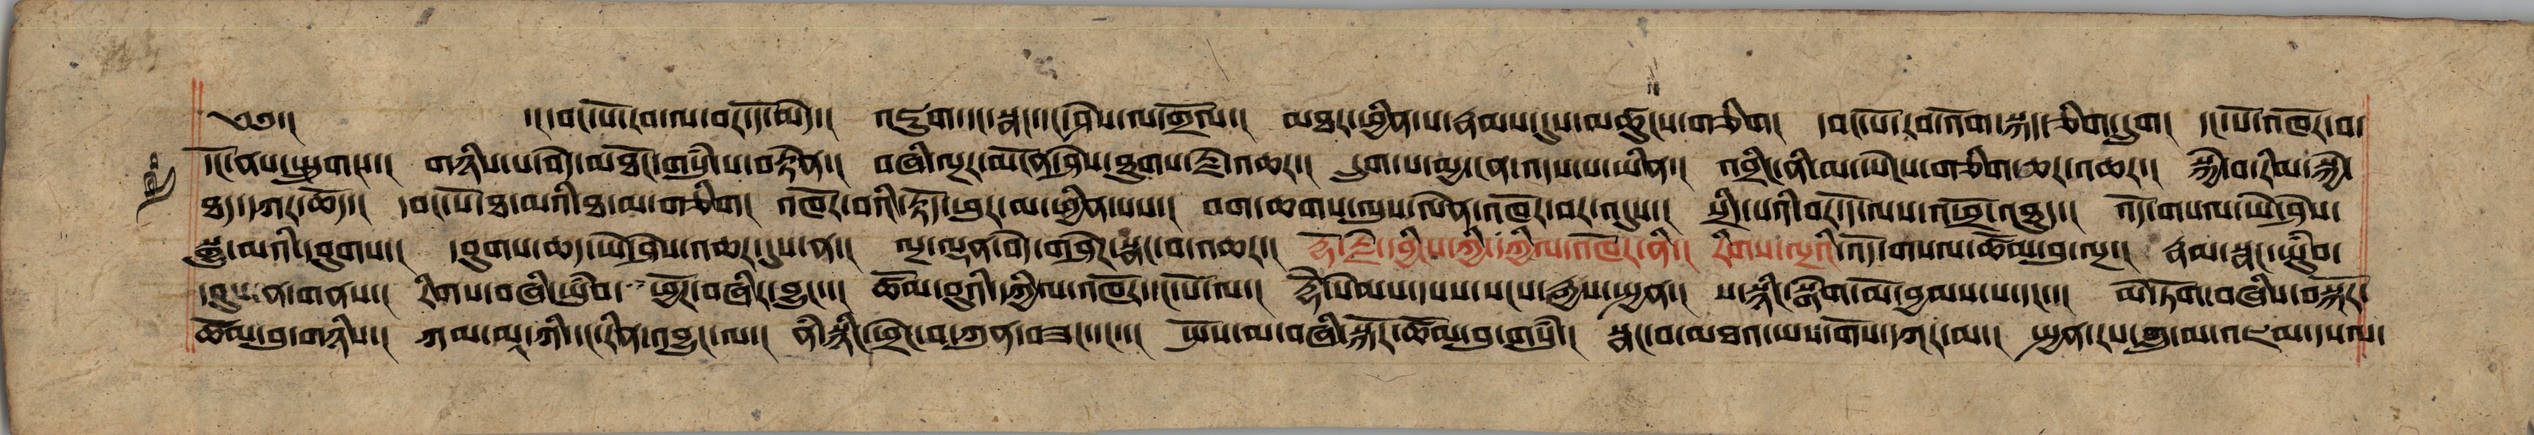༄༅་། ་།དབང་པོ་རབ་ལ་བར་དོ་མེད་། འཇུག་དང་སྣང་དང་ཤེས་ལ་གྲོལ་། མཐར་ཕྱིན་པ་རྣམས་དུས་མཚུངས་གཅིག། དབང་པོ་རབ་འོག་སྐད་ཅིག་དྲུག། དང་པོ་འཁོར་བ་
དངོ་ནས་སྤྲུགས་། གཉིས་པ་བདེ་མཐོང་གསུཾ་པ་བརྟེན་། བཞི་ལྔར་མངོན་ཤེས་ཐུགས་རྗེ་འཆར་། དྲུག་པ་མྱ་ངན་འདས་པ་ཡིན་། འབྲིང་ནི་མ་ཡེངས་གཅིག་ཆར་འཆར་། སྐྱེ་བ་རིམ་སྐྱེ་
ཐད་དཀར་ཆོད་། དབང་པོ་ཐ་མའི་ཐ་མ་གཅིག། འཁོར་བའི་རྟོད་ཕུར་མ་ཕྱིན་པས་། བག་ཆགས་ལུས་ལེན་འཁོར་བར་འདུས་། སྲིད་པའི་བར་དོ་ལས་འཕྲོ་འཐུད་། འོད་གསལ་ཡེ་ཤེས་
སྒྱུ་མའི་དབུགས་། དབུགས་ཆད་ཡེ་ཤེས་འཆར་དུས་ན་། ལྔ་ལྡན་བདེ་གཤེཌ་སྣང་བ་འཆར་། རྡོ་རྗེ་དབྱིངས་ཀྱི་དཀྱིལ་འཁོར་ནི་། རིགས་ལྔའི་འོད་གསལ་ཚོམ་བུ་ལྔ་། རྣམ་སྣང་ཡུཾབ་
དབུས་ན་གནས་། རིགས་བཞི་ཡུཾབ་ ཕྱོཌ་བཞིར་བྱུང་། ཚོམ་བུའི་དཀྱིལ་འཁོར་དང་པོ་ལ་། རྡོེ་སེམས་དཔའ་སངས་རྒྱས་སྤྱན་། ས་སྙིང་སྒེག་མོ་བྱམས་པ་དང་་། མེ་ཏོག་བཞིས་བསྐོར་
ཚོམ་བུ་གཉིས་། ཀམ་མཱ་ཀི་དང་རིན་འབྱུང་ལ་། ནི་སྙིང་ཕྲེང་བ་ཀུན་བཟང་དང་་། སྤོས་མ་བཞི་སྐོར་ཚོམ་བུ་གསུཾ་། སྣང་བ་མཐའ་ཡས་གོས་དཀར་མ་། སྤྱན་རས་གླུ་མ་འཇམ་དཔལ་